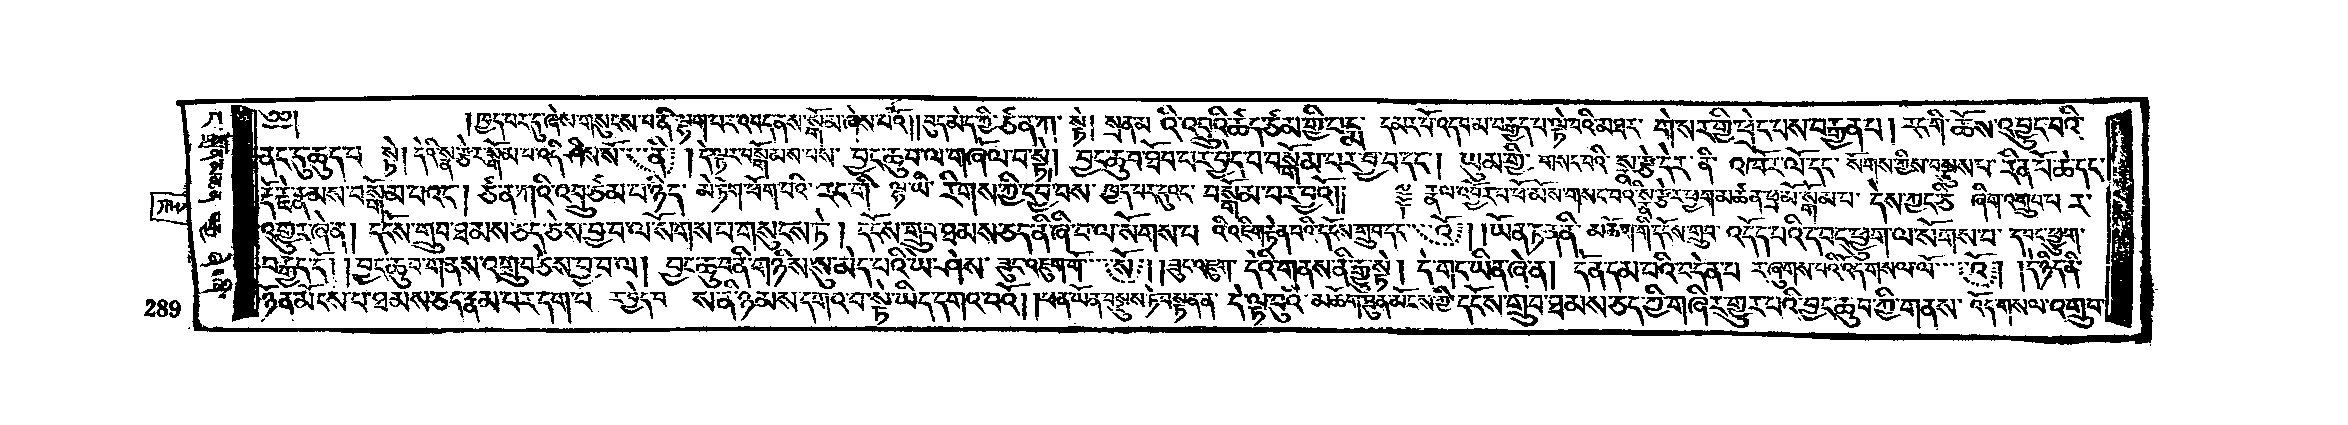༄༅། ། ཁྱད་པར་དུ་ཞེས་གསུངས་པ་ནི་ལྷག་པར་འབད་ནས་སྒོམ་ཞེས་པའོ། །བུད་མེད་ཀྱི་ཙ་ན་ཀ་སྟེ། སྲན་མའི་འབྲུའི་ཚད་ཙམ་གྱི་པདམ་དམར་པོ་འདབ་མ་བརྒྱད་པ་ལྟེ་བའི་མཐར་གེ་སར་གྱི་ཕྲེང་པས་བརྒྱན་པ། རང་གི་ཆོས་འབྱུང་བའི་
ནང་དུ་ཆུད་པ་སྟེ། དེའི་སྣ་རྩེར་སྒོམ་པ་འདི་ཤིས་སོ་ནི། དེ་ལྟར་བསྒོམས་པས་བྱང་ཆུབ་ལ་གཞོལ་བ་སྟེ། བྱང་ཆུབ་ཐོབ་པར་བྱེད་པ་བསྒོམ་པར་བྱ་བ་དང་། ཡུམ་གྱི་གསང་བའི་སྣ་རྩེ་དེར་ནི་འཁོར་ལོ་དང་སོགས་ཀྱིས་བསྡུས་པ་རིན་པོ་ཆེ་དང་
རྡོ་རྗེ་རྣམས་བསྒོམ་པའང་། ཙ་ན་ཀའི་འབྲུ་ཙམ་པ་ཉིད་མེ་ཏོག་ཕོག་པའི་རང་གི་ལྷ་ཡི་རིགས་ཀྱི་དབྱེ་བས་ཁྱད་པར་དུའང་བསྒོམ་པར་བྱའོ།། ༈ རྣལ་འབྱོར་པ་ཕོ་མོས་གསང་བའི་སྣ་རྩེར་ཕྱག་མཚན་ཕྲ་མོ་སྒོམ་པ་དེས་ཀྱང་ཅི་ཞིག་འགྲུབ་པར་
འགྱུར་ཞེན། དངོས་གྲུབ་ཐམས་ཅད་ཅེས་བྱ་བ་ལ་སོགས་པ་གསུངས་ཏེ། དངོས་གྲུབ་ཐམས་ཅད་ནི་ཞི་བ་ལ་སོགས་པའི་འཇིག་རྟེན་པའི་དངོས་གྲུབ་དང་འོ། །ཡོན་ཏན་ནི་མཆོག་གི་དངོས་གྲུབ་འདོད་པའི་དབང་ཕྱུག་ལ་སོགས་པ་དབང་ཕྱུག་
བརྒྱད་དོ། །བྱང་ཆུབ་གནས་འགྲུབ་ཅེས་བྱ་བ་ལ། བྱང་ཆུབ་ནི་གཉིས་སུ་མེད་པའི་ཡེ་ཤེས་ཟུང་འཇུག་གོ་སོ། ། ཟུང་འཇུག་དེའི་གནས་ནི་རྒྱུ་སྟེ། དེ་གང་ཡིན་ཞེ་ན། དོན་དམ་པའི་བདེན་པ་ར་ཞུགས་པའི་འོད་གསལ་ལོ་འོ། ། དེ་ཉིད་ནི
ཉོན་མོངས་པ་ཐམས་ཅད་རྣམ་པར་དག་པར་བྱེད་པ་ས་ནི་ཉམས་དགའ་བ་སྟེ་ཡིད་དགའ་བའོ། ། ཕན་ཡོན་བསྡུས་ཏེ་བསྟན་ན་དེ་ལྟ་བུའི་མཆོག་ཐུན་མོངས་ཀྱི་དངོས་གྲུབ་ཐམས་ཅད་ཀྱི་གཞིར་གྱུར་པའི་བྱང་ཆུབ་ཀྱི་གནས་འོད་གསལ་འགྲུབ་